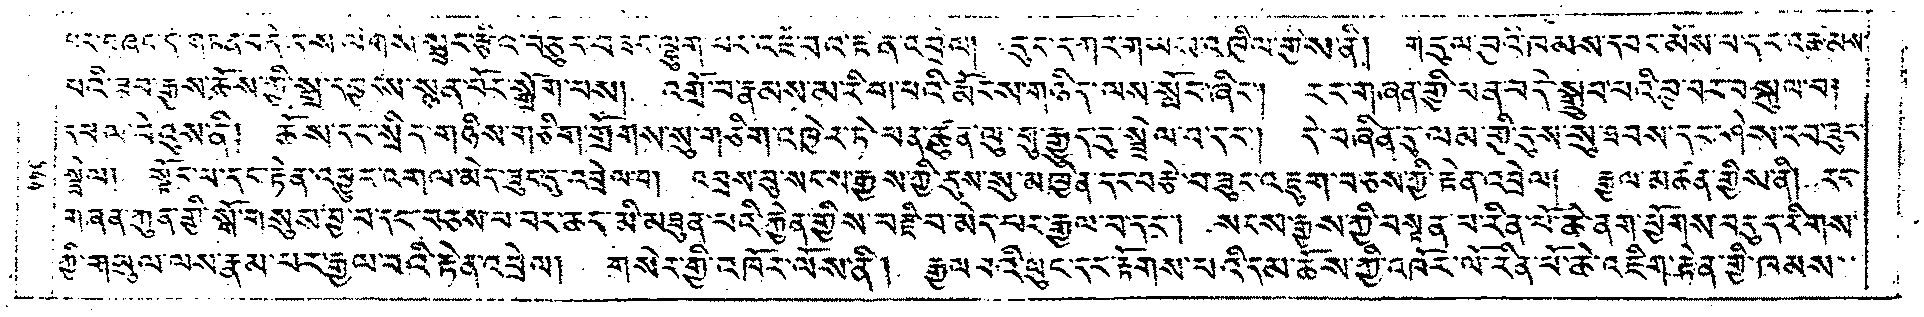པར་བཞད་དེ་གཏན་བདེ་ངེས་ལེགས་སྦྲང་རྩིའི་བཅུད་བཟང་ལྷུག་པར་འཇོ་བའི་རྟེན་འབྲེལ། དུང་དཀར་གཡས་འཁྱིལ་གྱིས་ནི། གདུལ་བྱའི་ཁམས་དབང་མོས་པ་དང་འཚམས་
པའི་ཟབ་རྒྱས་ཆོས་ཀྱི་སྒྲ་དབྱངས་སྙན་པོར་སྒྲོག་པས། འགྲོ་བ་རྣམས་མ་རིག་པའི་རྨོངས་གཉིད་ལས་སློང་ཞིང་། རང་གཞན་གྱི་ཕན་བདེ་སྒྲུབ་པའི་བྱ་བར་བསྐུལ་བ།
དཔལ་བེའུས་ནི། ཆོས་དང་སྲིད་གཉིས་གཅིག་གྲོགས་སུ་གཅིག་འཁྱེར་ཏེ་ཕན་ཚུན་ལུ་གུ་རྒྱུད་དུ་སྦྲེལ་བ་དང་། དེ་བཞིན་དུ་ལམ་གྱི་དུས་སུ་ཐབས་དང་ཤེས་རབ་ཟུང་
སྦྲེལ། སྟོང་པ་དང་རྟེན་འབྱུང་འགལ་མེད་ཟུང་དུ་འབྲེལ་བ། འབྲས་བུ་སངས་རྒྱས་ཀྱི་དུས་སུ་མཁྱེན་དང་བརྩེ་བ་ཟུང་འཇུག་བཅས་ཀྱི་རྟེན་འབྲེལ། རྒྱལ་མཚན་གྱིས་ནི། རང་
གཞན་ཀུན་གྱི་སྒོ་གསུམ་བྱ་བ་དང་བཅས་པ་བར་ཆད་མི་མཐུན་པའི་རྐྱེན་གྱིས་བརྫི་བ་མེད་པར་རྒྱལ་བ་དང་། སངས་རྒྱས་ཀྱི་བསྟན་པ་རིན་པོ་ཆེ་ནག་ཕྱོགས་བདུད་རིགས་
ཀྱི་གཡུལ་ལས་རྣམ་པར་རྒྱལ་བའི་རྟེན་འབྲེལ། གསེར་གྱི་འཁོར་ལོས་ནི། རྒྱལ་བའི་ལུང་དང་རྟོགས་པའི་དམ་ཆོས་ཀྱི་འཁོར་ལོ་རིན་པོ་ཆེ་འཇིག་རྟེན་གྱི་ཁམས་